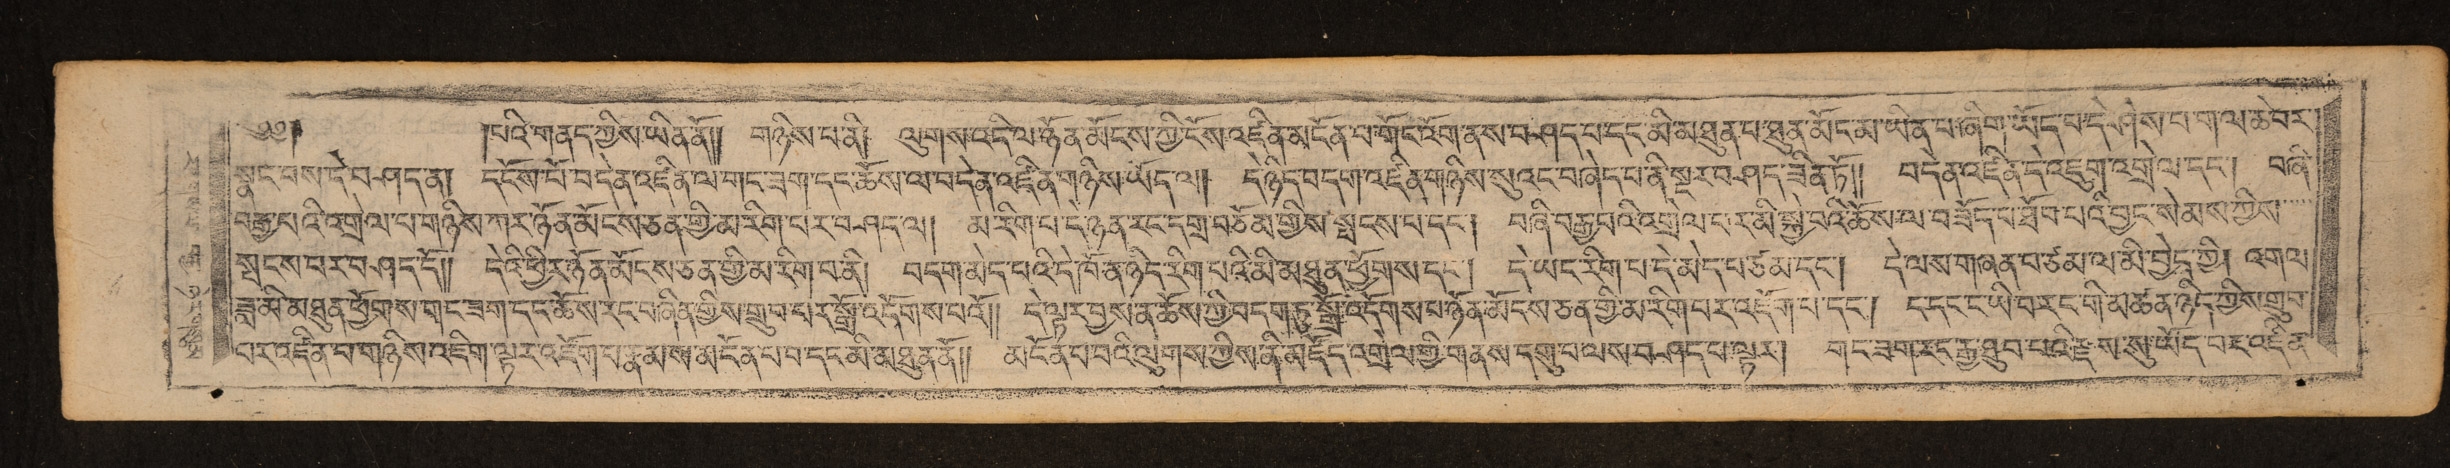༄༅། །པའི་གནད་ཀྱིས་ཡིན་ནོ།། གཉིས་པ་ནི། ལུགས་འདི་ལ་ཉོན་མོངས་ཀྱི་ངོས་འཛིན་མངོན་པ་གོང་འོག་ནས་བཤད་པ་དང་མི་མཐུན་པ་ཐུན་མོང་མ་ཡིན་པ་ཞིག་ཡོད་པ་དེ་ཤེས་པ་གལ་ཆེ་བར་
སྣང་བས་དེ་བཤད་ན། དངོས་པོ་བདེན་འཛིན་ལ་གང་ཟག་དང་ཆོས་ལ་བདེན་འཛིན་གཉིས་ཡོད་ལ། དེ་ཉིད་བདག་འཛིན་གཉིས་སུའང་བཞེད་པ་ནི་སྔར་བཤད་ཟིན་ཏོ།། བདེན་འཛིན་དེ་འཇུག་འགྲེལ་དང་། བཞི་
བརྒྱ་པའི་འགྲེལ་པ་གཉིས་ཀར་ཉོན་མོངས་ཅན་གྱི་མ་རིག་པར་བཤད་ལ། མ་རིག་པ་དེ་ཉན་རང་དགྲ་བཅོམ་གྱིས་སྤངས་པ་དང་། བཞི་བརྒྱ་པའི་འགྲེལ་པར་མི་སྐྱེ་བའི་ཆོས་ལ་བཟོད་པ་ཐོབ་པའི་བྱང་སེམས་ཀྱིས་
སྤངས་པར་བཤད་དོ།། དེའི་ཕྱིར་ཉོན་མོངས་ཅན་གྱི་མ་རིག་པ་ནི། བདག་མེད་པའི་དེ་ཁོ་ན་ཉིད་རིག་པའི་མི་མཐུན་ཕྱོགས་དང་། དེ་ཡང་རིག་པ་དེ་མེད་པ་ཙམ་དང་། དེ་ལས་གཞན་པ་ཙམ་ལ་མི་བྱེད་ཀྱི། འགལ་
ཟླ་མི་མཐུན་ཕྱོགས་གང་ཟག་དང་ཆོས་རང་བཞིན་གྱིས་གྲུབ་པར་སྒྲོ་འདོགས་པའོ།། དེ་ལྟར་བྱས་ན་ཆོས་ཀྱི་བདག་ཏུ་སྒྲོ་འདོགས་པ་ཉོན་མོངས་ཅན་གྱི་མ་རིག་པར་འཇོག་པ་དང་། ང་དང་ང་ཡི་བ་རང་གི་མཚན་ཉིད་ཀྱིས་གྲུབ་
པར་འཛིན་པ་གཉིས་འཇིག་ལྟར་འཇོག་པ་རྣམས་མངོན་པ་བ་དང་མི་མཐུན་ནོ།། མངོན་པ་བའི་ལུགས་ཀྱིས་ནི་མཛོད་འགྲེལ་གྱི་གནས་དགུ་པ་ལས་བཤད་པ་ལྟར། གང་ཟག་རང་རྒྱ་ཐུབ་པའི་རྫས་སུ་ཡོད་པར་འཛིན་